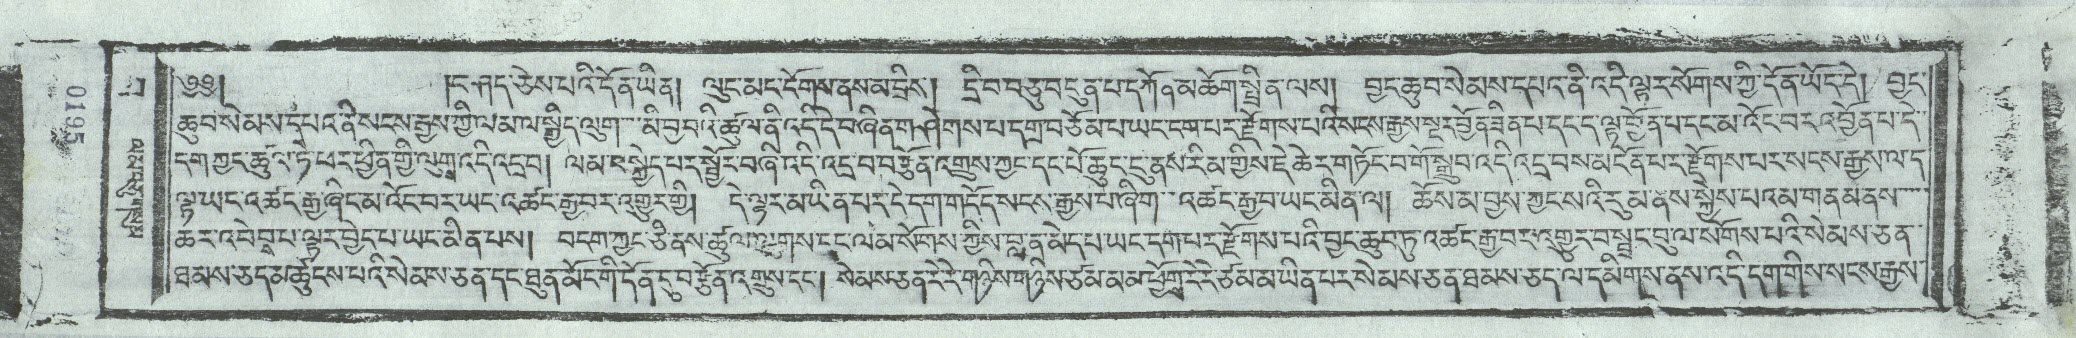༄༅། །བཤད་ཅེས་པའི་དོན་ཡིན། ལུང་མང་ངོགས་ནས་མ་བྲིས། དྲི་བ་བཅུ་བདུན་པ་དཀོན་མཆོག་སྤྲིན་ལས། བྱང་ཆུབ་སེམས་དཔའ་ནི་འདི་ལྟར་སོགས་ཀྱི་དོན་ཡོད་དེ། བྱང་
ཆུབ་སེམས་དཔའ་ནི་སངས་རྒྱས་ཀྱི་ལམ་ལ་སྒྱིད་ལུག་མི་བྱ་བའི་ཚུལ་ནི་འདི་དེ་བཞིན་གཤེགས་པ་དགྲ་བཅོམ་པ་ཡང་དག་པར་རྫོགས་པའི་སངས་རྒྱས་སྔར་བྱོན་ཟིན་པ་དང་ད་ལྟ་བྱོན་པ་དང་མ་འོང་བར་འབྱོན་པ་དེ་
དག་ཀྱང་ཚུལ་ཏེ་ཕར་ཕྱིན་གྱི་ལུགས་འདི་འདྲ་བ། ལམ་བསྐྱེད་པར་སྦྱོར་བཞི་འདི་འདྲ་བ་བརྩོན་འགྲུས་ཀྱང་དང་པོ་ཆུང་ངུ་ནས་རིམ་གྱིས་ཇེ་ཆེར་གཏོང་བ་གོ་སྒྲུབ་འདི་འདྲ་བས་མངོན་པར་རྫོགས་པར་སངས་རྒྱས་ལ་ད་
ལྟ་ཡང་འཚང་རྒྱ་ཞིང་མ་འོང་བར་ཡང་འཚང་རྒྱ་བར་འགྱུར་གྱི། དེ་ལྟར་མ་ཡིན་པར་དེ་དག་གདོད་སངས་རྒྱས་པ་ཞིག་འཚང་རྒྱ་བ་ཡང་མིན་ལ། ཆོས་མ་བྱས་ཀྱང་སའི་རུམ་ནས་སྐྱེས་པའམ་གནམ་ནས་
ཆར་འབེབས་པ་ལྟར་བྱེད་པ་ཡང་མིན་པས། བདག་ཀྱང་ཅི་ནས་ཚུལ་ལུགས་དང་ལམ་སོགས་ཀྱིས་བླ་ན་མེད་པ་ཡང་དག་པར་རྫོགས་པའི་བྱང་ཆུབ་ཏུ་འཚང་རྒྱ་བར་འགྱུར་བ་སྦྲང་བུ་ལ་སོགས་པའི་སེམས་ཅན་
ཐམས་ཅད་མཚུངས་པའི་སེམས་ཅན་དང་ཐུན་མོང་གི་དོན་དུ་བརྩོན་འགྲུས་དང་། སེམས་ཅན་རེ་རེ་གཉིས་གཉིས་ཙམ་མམ་ཕྱོགས་རེ་རེ་ཙམ་མ་ཡིན་པར་སེམས་ཅན་ཐམས་ཅད་ལ་དམིགས་ནས་འདི་དག་གིས་སངས་རྒྱས་